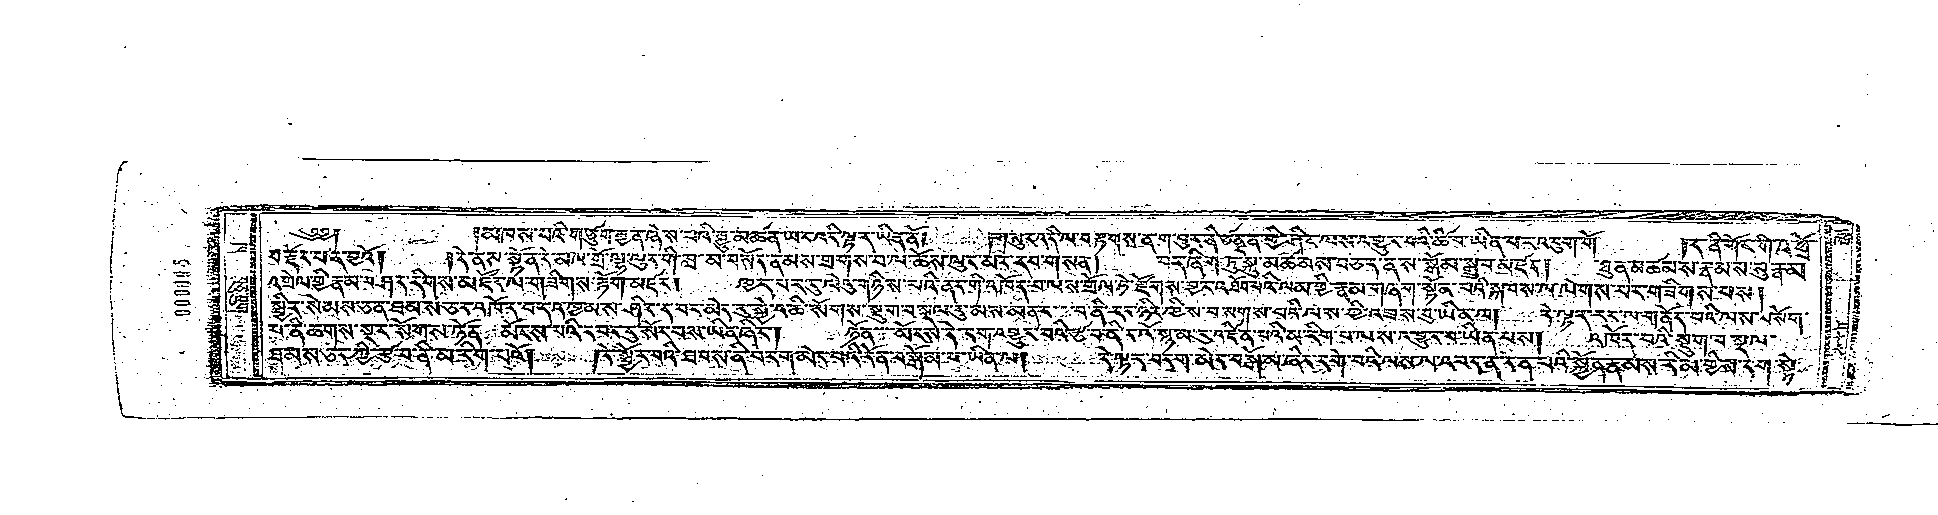༄༅། །མཁས་པའི་གཙུག་རྒྱན་ཞེས་པའི་རྒྱུ་མཚན་ཡང་འདི་ལྟར་ཡིན་ནོ། །གསུང་འདི་ལ་བརྟགས་ན་ག་བུར་ནི་ཙནྡན་གྱི་ཤིང་ལས་འབྱུང་བའི་ཚི་བ་ཡིན་པར་འདུག་གོ །ད་ནི་གོང་གི་འཕྲོ་
བརྗོད་པར་བྱའོ། །དེ་ནས་སྟོན་དེ་མལ་གྲོ་ལྷ་ལུང་གི་བླ་མ་བསོད་ནམས་གྲགས་བ་ལ་ཆོས་ལུང་མར་རབ་གསན། བར་ཞིག་ཏུ་སྐུ་མཚམས་བཅར་ནས་སྒོམ་སྒྲུབ་མཛད། ཐུན་མཚམས་རྣམས་སུ་རྣམ་
འགྲེལ་གྱི་རྣམ་བཤད་རིགས་མཛོད་ལ་གཟིགས་རྟོག་མཛད། ཁྱད་པར་དུ་ལེའུ་གཉིས་པའི་ནང་གི་འཁོར་བ་ལས་གྲོལ་ཏེ་རྫོགས་བྱང་འཐོབ་པའི་ལམ་གྱི་རྣམ་གཞག་སྟོན་པའི་སྐབས་ལ་ལེགས་པར་གཟིགས་པས།
སྤྱིར་སེམས་ཅན་ཐམས་ཅད་འཁོར་བར་འཁྱམས་ཤིང་དབང་མེད་དུ་སྐྱེ་འཆི་སོགས་སྡུག་བསྔལ་དུ་མས་མནར་བ་ནི་རང་ཉིད་ཀྱིས་བསགས་པའི་ལས་ཀྱི་འབྲས་བུ་ཡིན་ཁ། དེ་ལྟར་རང་ལ་གནོད་པའི་ལས་བསོག་
པ་ནི་ཆགས་སྔར་སོགས་ཉོན་མོངས་པའི་དབང་དུ་སོང་བས་ཡིན་ཞིང་། ཉོན་མོངས་དེ་དག་འབྱུང་བའི་རྩ་བ་ནི་དའོ་སྙམ་དུ་འཛིན་པའི་མ་རིག་པ་ལས་འབྱུང་བ་ཡིན་པས། འཁོར་བའི་སྡུག་བསྔལ་
ཐམས་ཅད་ཀྱི་རྩ་བ་ནི་མ་རིག་པའོ། །དེ་སྦྱོང་བའི་ཐབས་ནི་བདག་མེད་པའི་དོན་བསྒོམ་པ་ཡིན་ལ། དེ་ལྟར་བདག་མེད་བསྒོམ་ཞིང་དགེ་བའི་ལས་ལ་འབད་ན་ངན་པའི་སྐྱོན་རྣམས་རིམ་གྱིས་དག་སྟེ་